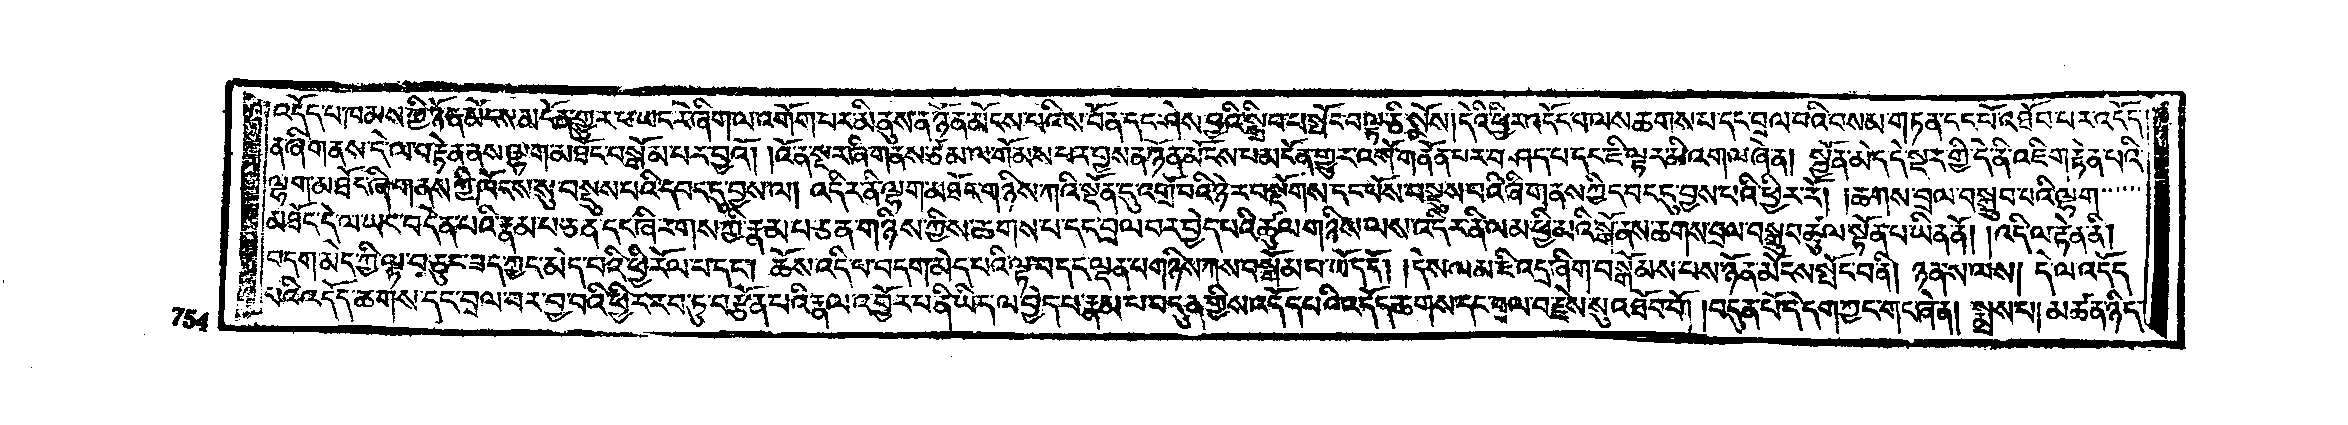འདོད་པ་ཁམས་ཀྱི་ཉོན་མོངས་མངོན་གྱུར་པ་ཡང་རེ་ཞིག་ལ་འགོག་པར་མི་ནུས་ན་ཉོན་མོངས་པའི་ས་བོན་དང་ཤེས་བྱའི་སྒྲིབ་པ་སྤོང་བ་ལྟ་ཅི་སྨོས། དེའི་ཕྱིར་འདོད་པ་ལས་ཆགས་པ་དང་བྲལ་བའི་བསམ་གཏན་དང་པོ་འཐོབ་པར་འདོད་
ན་ཞི་གནས་དེ་ལ་བརྟེན་ནས་ལྷག་མཐོང་བསྒོམ་པར་བྱའོ། །འོ་ན་སྔར་ཞི་གནས་ཙམ་ལ་གོམས་པར་བྱས་ན་ཉོན་མོངས་པ་མངོན་གྱུར་འགོ་གནོན་པར་བཤད་པ་དང་ཇི་ལྟར་མི་འགལ་ཞེ་ན། སྐྱོན་མེད་དེ་སྔར་གྱི་དེ་ནི་འཇིག་རྟེན་པའི་
ལྷག་མཐོང་ཞི་གནས་ཀྱི་ཁོངས་སུ་བསྡུས་པའི་དབང་དུ་བྱས་ལ། འདིར་ནི་ལྷག་མཐོང་གཉིས་ཀའི་སྔོན་དུ་འགྲོ་བའི་ཉེར་བསྡོགས་དང་པོས་བསྡུས་པའི་ཞི་གནས་ཀྱི་དབང་དུ་བྱས་པའི་ཕྱིར་རོ། །ཆགས་བྲལ་བསྒྲུབ་པའི་ལྷག་
མཐོང་དེ་ལ་ཡང་བདེན་པའི་རྣམ་པ་ཅན་དང་ཞི་རགས་ཀྱི་རྣམ་པ་ཅན་གཉིས་ཀྱིས་ཆགས་པ་དང་བྲལ་བར་བྱེད་པའི་ཚུལ་གཉིས་ལས་འདིར་ནི་ལམ་ཕྱི་མའི་སྒོ་ནས་ཆགས་བྲལ་བསྒྲུབ་ཚུལ་སྟོན་པ་ཡིན་ནོ། །འདི་ལ་རྟེན་ནི།
བདག་མེད་ཀྱི་ལྟ་བ་ཅུང་ཟད་ཀྱང་མེད་པའི་ཕྱི་རོལ་པ་དང་། ཆོས་འདི་པ་བདག་མེད་པའི་ལྟ་བ་དང་ལྡན་པ་གཉིས་ཀས་བསྒོམ་པ་ཡོད་དོ། །དེས་ལམ་ཇི་འདྲ་ཞིག་བསྒོམས་པས་ཉོན་མོངས་སྤོང་བ་ནི། ཉན་ས་ལས། དེ་ལ་འདོད་
པའི་འདོད་ཆགས་དང་བྲལ་བར་བྱ་བའི་ཕྱིར་རབ་ཏུ་བརྩོན་པའི་རྣལ་འབྱོར་པ་ནི་ཡིད་ལ་བྱེད་པ་རྣམ་པ་བདུན་གྱིས་འདོད་པའི་འདོད་ཆགས་དང་བྲལ་བ་རྗེས་སུ་འཐོབ་བོ། །བདུན་པོ་དེ་དག་ཀྱང་གང་ཞེ་ན། སྨྲས་པ། མཚན་ཉིད་